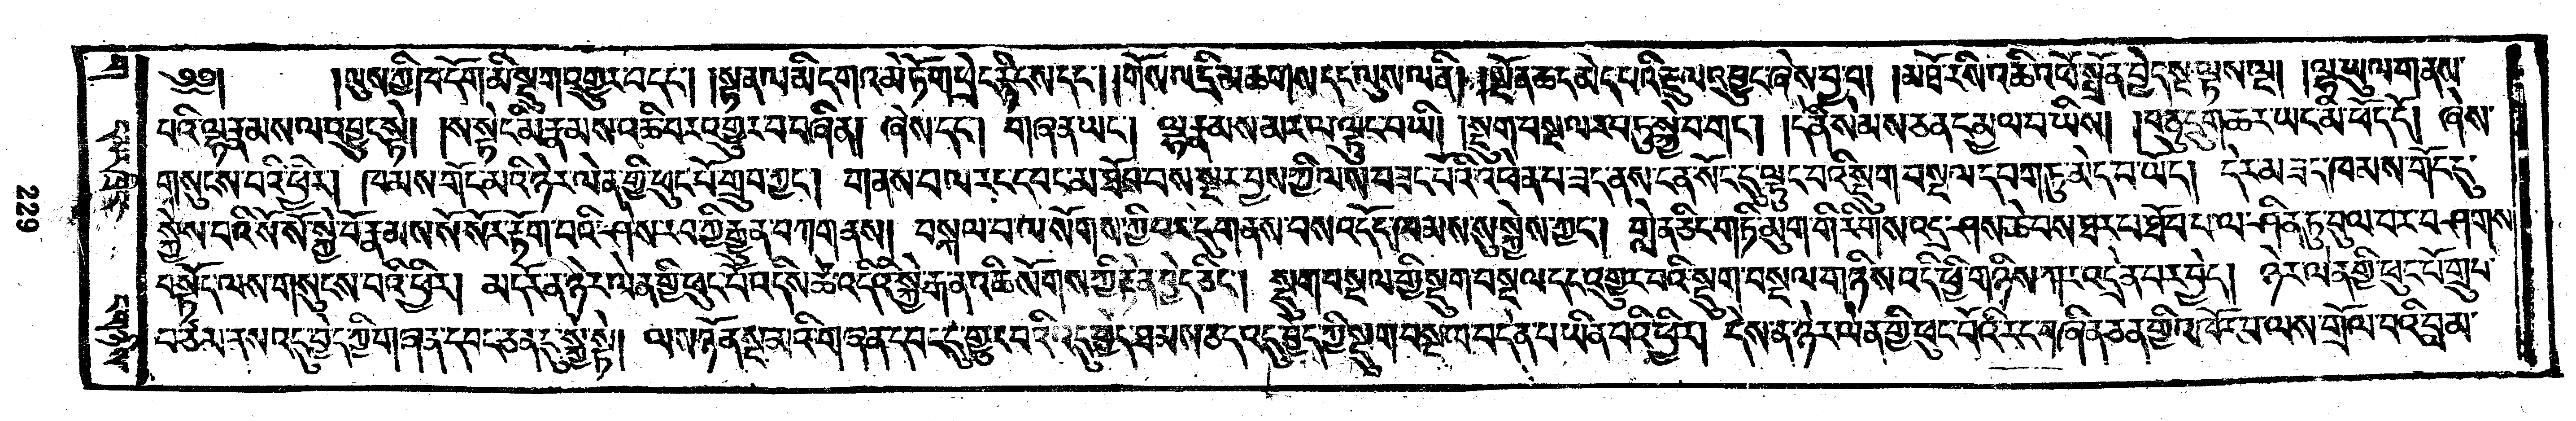༄༅། །ལུས་ཀྱི་ཁ་དོག་མི་སྡུག་འགྱུར་བ་དང་། །སྟན་ལ་མི་དགའ་མེ་ཏོག་ཕྲེང་རྙིངས་དང་། །གོས་ལ་དྲི་མ་ཆགས་དང་ལུས་ལ་ནི། །སྔོན་ཆང་མེད་པའི་རྡུལ་འབྱུང་ཞེས་བྱ་བ། མཐོ་རིས་འཆི་འཕོ་སྤྲོན་བྱེད་སྔ་ལྟས་ལྔ། །ལྷ་ཡུལ་གནས་
པའི་ལྷ་རྣམས་ལ་འབྱུང་སྟེ། །ས་སྟེང་མི་རྣམས་འཆི་བར་འགྱུར་བ་བཞིན། ཞེས་དང་། གཞན་ཡང་། ལྷ་རྣམས་མར་ལ་ལྟུང་བ་ཡི། །སྡུག་བསྔལ་རབ་ཏུ་སྐྱེ་བ་གང་། །དེ་ནི་སེམས་ཅན་དམྱལ་བ་ཡིས། །བཅུ་དྲུག་ཆར་ཡང་མི་ཕོད་དོ། ཞེས་
གསུངས་བའི་ཕྱིར། ཁམས་གོང་མའི་ཉེར་ལེན་གྱི་ཕུང་པོ་གྲུབ་ཀྱང་། གནས་བལ་རང་དབང་མ་ཐོབ་བས་སྔར་བྱས་ཀྱི་ལས་བཟང་པོའི་འཕེན་པ་ཟད་ནས་ངན་སོང་དུ་ལྟུང་བའི་སྡུག་བསྔལ་དཔག་ཏུ་མེད་བ་ཡོད། དེར་མ་ཟད་ཁམས་གོང་དུ་
སྐྱེས་བའི་སོ་སོ་སྐྱེ་བོ་རྣམས་སོ་སོར་རྟོག་བའི་ཤེས་རབ་ཀྱི་རྒྱུན་བཀག་ནས། བསྐལ་བ་ལ་སོགས་ཀྱི་བར་དུ་གནས་བས་འདོད་ཁམས་སུ་སྐྱེས་ཀྱང་། གླེན་ཅིང་གཏི་མུག་གི་རིགས་འདྲ་ཤས་ཆེ་བས་ཐར་པ་ཐོབ་པ་ལ་ཤིན་ཏུ་བུལ་བར་བཤགས་
བསྟོད་ལས་གསུངས་བའི་ཕྱིར། མདོར་ན་ཉེར་ལེན་གྱི་ཕུང་པོ་འདིས་ཚེ་འདིའི་སྐྱེ་རྒ་ན་འཆི་སོགས་ཀྱི་རྟེན་བྱེད་ཅིང་། སྡུག་བསྔལ་གྱི་སྡུག་བསྔལ་དང་འགྱུར་བའི་སྡུག་བསྔལ་གཉིས་འདི་ཕྱི་གཉིས་ཀར་འདྲེན་པར་བྱེད། ཉེར་ལེན་གྱི་ཕུང་པོ་གྲུབ་
བ་ཙམ་ནས་འདུ་བྱེད་ཀྱི་གཞན་དབང་ཅན་དུ་སྐྱེ་སྟེ། ལས་ཉོན་སྔ་མའི་གཞན་དབང་དུ་གྱུར་བའི་འདུ་བྱེད་ཐམས་ཅད་འདུ་བྱེད་ཀྱི་སྡུག་བསྔལ་བདེན་པ་ཡིན་པའི་ཕྱིར། དེས་ན་ཉེར་ལེན་གྱི་ཕུང་པོའི་རང་གཞིན་ཅན་གྱི་འཁོར་བ་ལས་གྲོལ་བའི་བླ་མ་